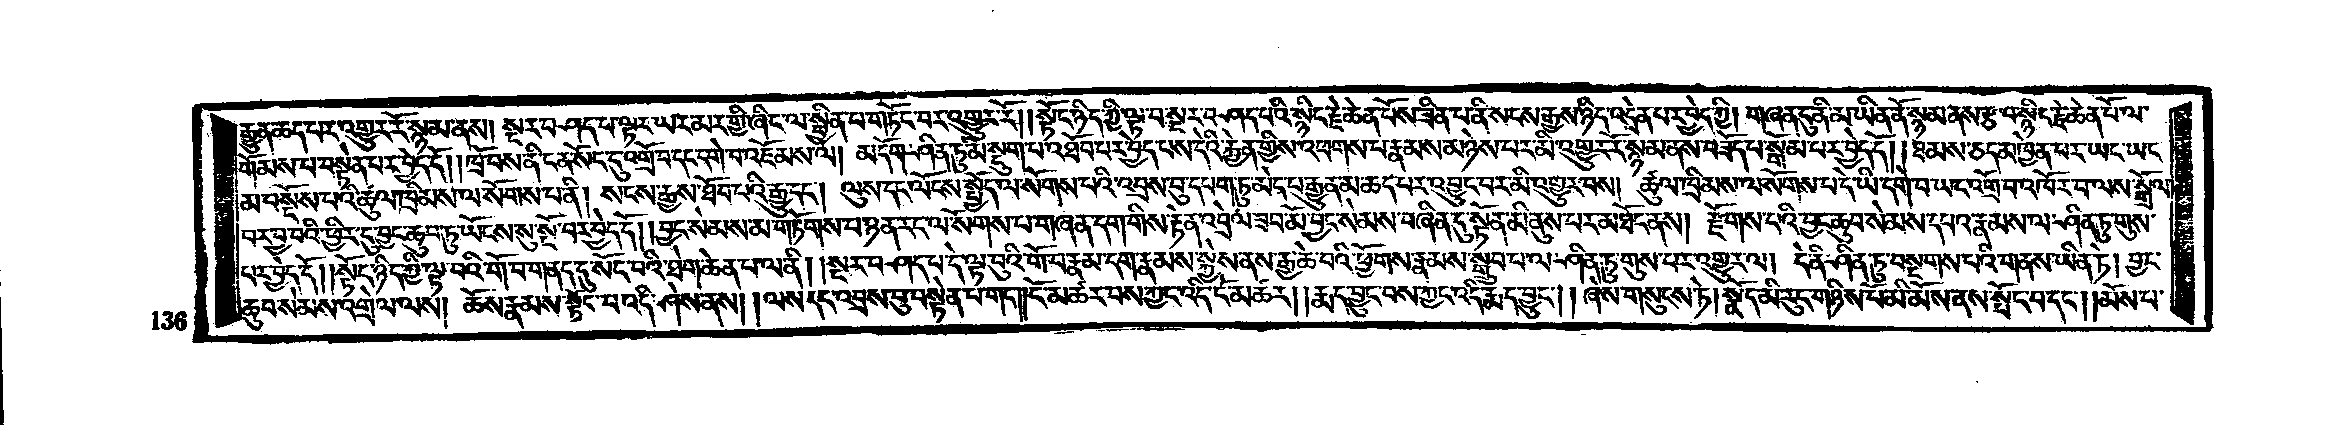རྒྱུན་ཆད་པར་འགྱུར་རོ་སྙམ་ནས། སྔར་བཤད་པ་ལྟར་ཡར་མར་གྱི་ཞིང་ལ་སྦྱིན་པ་གཏོང་བར་འགྱུར་རོ། །སྟོང་ཉིད་ཀྱི་ལྟ་བ་སྔར་བཤད་པའི་སྙིང་རྗེ་ཆེན་པོས་ཟིན་པ་ནི་སངས་རྒྱས་ཉིད་འདྲེན་པར་བྱེད་ཀྱི། གཞན་དུ་ནི་མ་ཡིན་ནོ་སྙམ་ནས་རྩ་བ་སྙིང་རྗེ་ཆེན་པོ་ལ་
གོམས་པ་བསྟེན་པར་བྱེད་དོ། །ཁོ་བས་ནི་ངན་སོང་དུ་འགྲོ་བ་དང་དགེ་བ་འཇོམས་ལ། མདོག་ཤིན་ཏུ་མི་སྡུག་པ་འཐོབ་པར་བྱེད་པས་དེའི་རྐྱེན་གྱིས་འཕགས་པ་རྣམས་མཉེས་པར་མི་འགྱུར་རོ་སྙམ་ནས་བཟོད་པ་སྒོམ་པར་བྱེད་དོ། །ཐམས་ཅད་མཁྱེན་པར་ཡང་ཡང་
མ་བསྔོས་པའི་ཚུལ་ཁྲིམས་ལ་སོགས་པ་ནི། སངས་རྒྱས་ཐོབ་པའི་རྒྱུ་དང་། ལུས་དང་ལོངས་སྤྱོད་ལ་སོགས་པའི་འབྲས་བུ་དཔག་ཏུ་མེད་པ་རྒྱུན་མ་ཆད་པར་འབྱུང་བར་མི་འགྱུར་བས། ཚུལ་ཁྲིམས་ལ་སོགས་པ་དེ་ཡི་དགེ་བ་ཡང་འགྲོ་བ་འཁོར་བ་ལས་སྒྲོལ་
བར་བྱ་བའི་ཕྱིར་དུ་བྱང་ཆུབ་ཏུ་ཡོངས་སུ་སྔོ་བར་བྱེད་དོ། །བྱང་སེམས་མ་གཏོགས་པ་ཉན་རང་ལ་སོགས་པ་གཞན་དག་གིས་རྟེན་འབྲེལ་ཟབ་མོ་བྱང་སེམས་བཞིན་དུ་སྟོན་མི་ནུས་པར་མཐོང་ནས། རྫོགས་པའི་བྱང་ཆུབ་སེམས་དཔའ་རྣམས་ལ་ཤིན་ཏུ་གུས་
པར་བྱེད་དོ། །སྟོང་ཉིད་ཀྱི་ལྟ་བའི་གོ་བ་གནད་དུ་སོང་བའི་ཐེག་ཆེན་པ་ལ་ནི། སྔར་བཤད་པ་དེ་ལྟ་བུའི་གོ་བ་རྣམ་དག་རྣམས་སྐྱེས་ནས་རྒྱ་ཆེ་བའི་ཕྱོགས་རྣམས་སྒྲུབ་པ་ལ་ཤིན་ཏུ་གུས་པར་འགྱུར་ལ། དེ་ནི་ཤིན་ཏུ་བསྔགས་པའི་གནས་ཡིན་ཏེ། བྱང་
ཆུབ་སེམས་འགྲེལ་ལས། ཆོས་རྣམས་སྟོང་པ་འདི་ཤེས་ནས། །ལས་དང་འབྲས་བུ་བསྟེན་པ་གང་། །ངོ་མཚར་བས་ཀྱང་འདི་ངོ་མཚར། །རྨད་བྱུང་བས་ཀྱང་འདི་རྨད་བྱུང་། །ཞེས་གསུངས་ཏེ། སྣོད་མི་རུང་གཉིས་པོ་མི་མོས་ནས་སྤོང་བ་དང་། །མོས་པ་